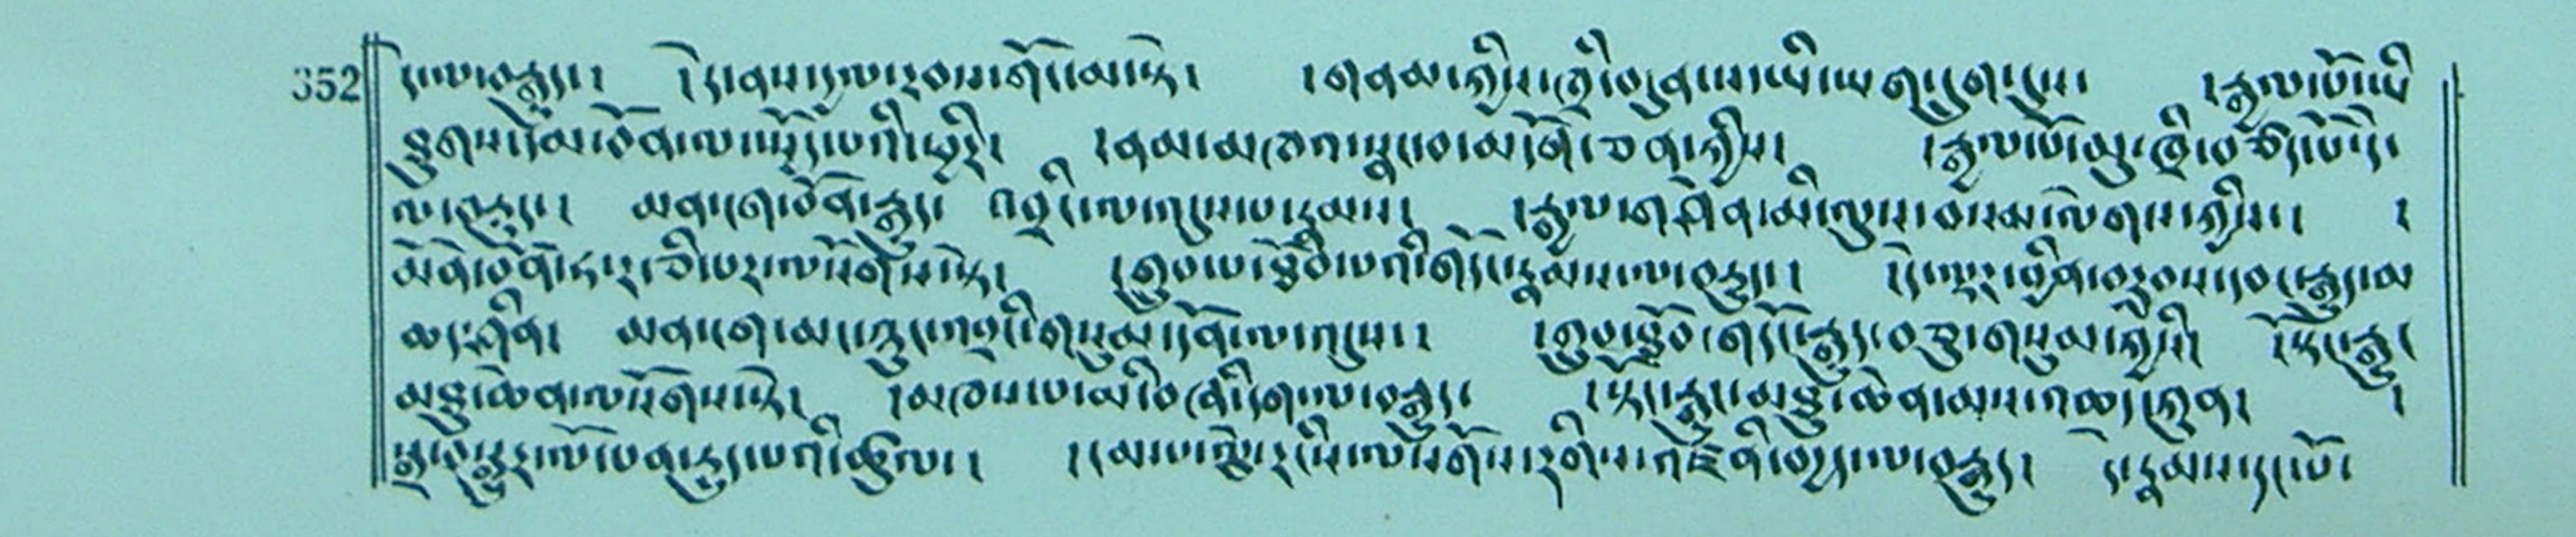དེ་ལ་བརྒྱུད། དེ་ནས་རྒྱལ་རབས་གོང་མ་སྟེ། གནམ་གྱི་ཁྲི་བདུན་ས་ཡི་ཡག་དྲུག་དུས། རྒྱལ་པོ་ཡི་
ཐུགས་དམ་བོན་ལ་སྤྱོད་པའི་ཕྱིར། ནམ་མཁའ་སྣང་བ་མདོག་ཅན་གྱིས། རྒྱལ་བོ་མུ་ཁྲི་བཙད་པོ་དེ་
ལ་བརྒྱུད། མན་ངག་བོན་རྒྱུད་འབྲིང་ལ་འདུས་པ་རྣམས། རྒྱལ་གཤེན་མི་ལུས་བསམ་ལེགས་ཀྱིས། 
མོན་བོན་ཧ་ར་ཅི་པར་ལས་སོགས་ཏེ། གྲུབ་པ་ཐོབ་པའི་གདོང་རྒྱུད་རྣམས་ལ་བརྒྱུད། དེ་ལྟར་བྱིན་རླབས་དབང་རྒྱུད་མ་
ཆད་ཅིང་། མན་ངག་མང་ཉུང་འབྲིང་གསུམ་དོན་ལ་འདུས། གྲུབ་ཐོབ་གདུང་རྒྱུད་བཅུ་གསུམ་གྱིས། སྟོང་རྒྱུང་
མཐུ་ཆེན་ལས་སོགས་ཏེ། མཁས་པ་མི་བཞི་དག་ལ་བརྒྱུད། སྟོང་རྒྱུང་མཐུ་ཆེན་མས་ཆད་ཀུན། 
སྒྲ་བསྒྱུར་ལོ་པན་བརྒྱུད་པའི་ཚུལ། རྔམ་པ་ལྕེ་རིང་ལས་སོགས་རིགས་འཛིན་བརྒྱད་ལ་བརྒྱུད། དེ་རྣམས་དང་པོ་